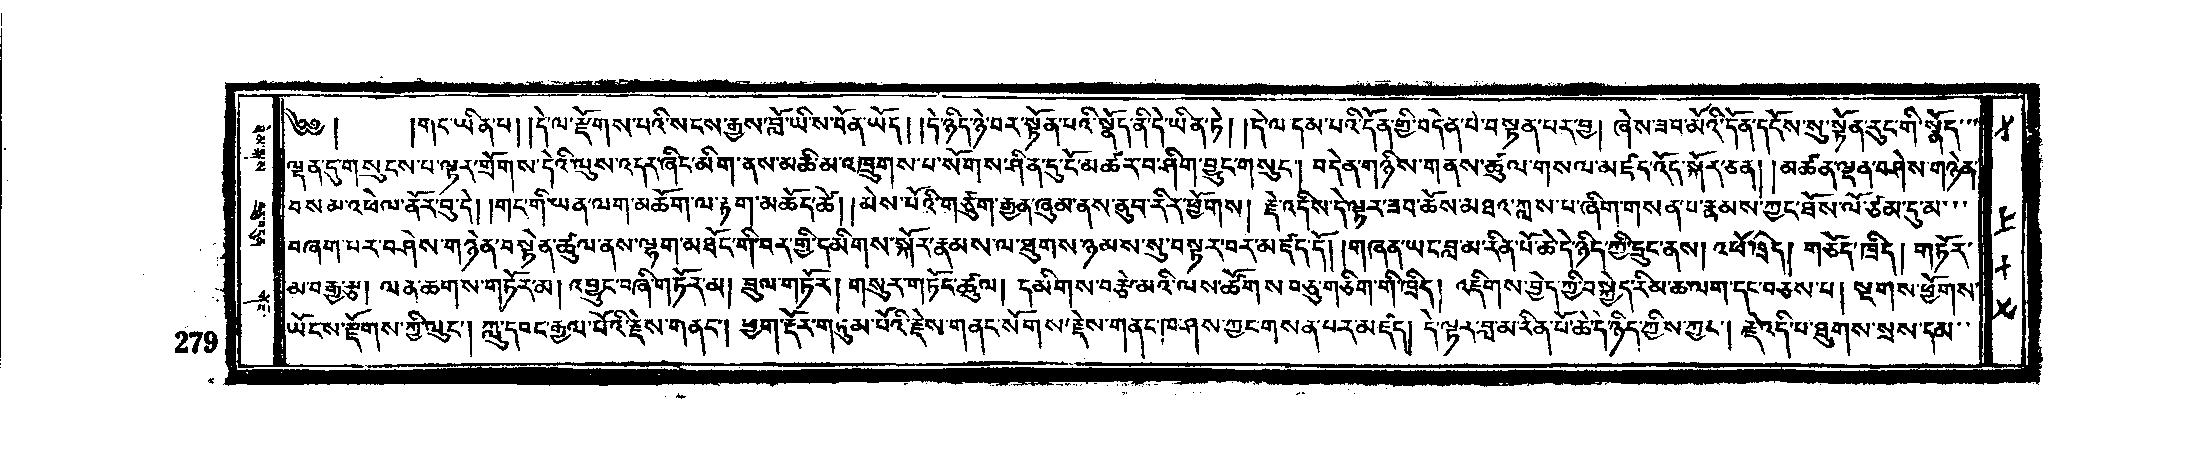༄༅། །གང་ཡིན་པ། །དེ་ལ་རྫོགས་པའི་སངས་རྒྱས་བློ་ཡི་ས་བོན་ཡོད། །དེ་ཉིད་ཉེ་བར་སྟོན་པའི་སྣོད་ནི་དེ་ཡིན་ཏེ། །དེ་ལ་དམ་པའི་དོན་གྱི་བདེན་པ་བསྟན་པར་བྱ། ཞེས་ཟབ་མོའི་དོན་དངོས་སུ་སྟོན་རུང་གི་སྣོད་
ལྡན་དུ་གསུངས་པ་ལྟར་གྲོགས་དེའི་ལུས་འདར་ཞིང་མིག་ནས་མཆི་མ་འཁྲུགས་པ་སོགས་ཤིན་དུ་ངོ་མཚར་བ་ཤིག་བྱུང་གསུང་། བདེན་གཉིས་གནས་ཚུལ་གསལ་མཛད་འོད་སྐོར་ཅན། །མཚན་ལྡན་བཤེས་གཉེན་
བསམ་འཕེལ་ནོར་བུ་དེ། །གང་གི་ཡན་ལག་མཆོག་ལ་རྟག་མཆོད་ཚེ། །མེས་པོའི་གཙུག་རྒྱན་ཞུམ་ནས་ནུབ་རིར་ཕྱོགས། རྗེ་འདིས་དེ་ལྟར་ཟབ་ཆོས་མཐའ་ཀླས་པ་ཞིག་གསན་པ་རྣམས་ཀྱང་ཐོས་ལོ་ཙམ་དུ་མ་
བཞག་པར་བཤེས་གཉེན་བསྟེན་ཚུལ་ནས་ལྷག་མཐོང་གི་བར་གྱི་དམིགས་སྐོར་རྣམས་ལ་ཐུགས་ཉམས་སུ་བསྟར་བར་མཛད་དོ། །གཞན་ཡང་བླ་མ་རིན་པོ་ཆེ་དེ་ཉིད་ཀྱི་དྲུང་ནས། འཕོ་ཁྲིད། གཅོད་ཁྲིད། གཏོར་
མ་བརྒྱ་རྩ། ལན་ཆགས་གཏོར་མ། འབྱུང་བཞི་གཏོར་མ། བྲུལ་གཏོར། གསུར་གཏོང་ཚུལ། དམིགས་བརྩེ་མའི་ལས་ཚོགས་བཅུ་གཅིག་གི་ཁྲིད། འཇིགས་བྱེད་ཀྱི་བསྐྱེད་རིམ་ཆ་ལག་དང་བཅས་པ། སྔགས་ཕྱོགས་
ཡོངས་རྫོགས་ཀྱི་ལུང་། ཀླུ་དབང་རྒྱལ་པོའི་རྗེས་གནང་། ཕྱག་རྡོར་གཏུམ་པོའི་རྗེས་གནང་སོགས་རྗེས་གནང་ཁ་ཤས་ཀྱང་གསན་པར་མཛད། དེ་ལྟར་བླ་མ་རིན་པོ་ཆེ་དེ་ཉིད་ཀྱིས་ཀྱང་། རྗེ་འདི་པ་ཐུགས་སྲས་དམ་